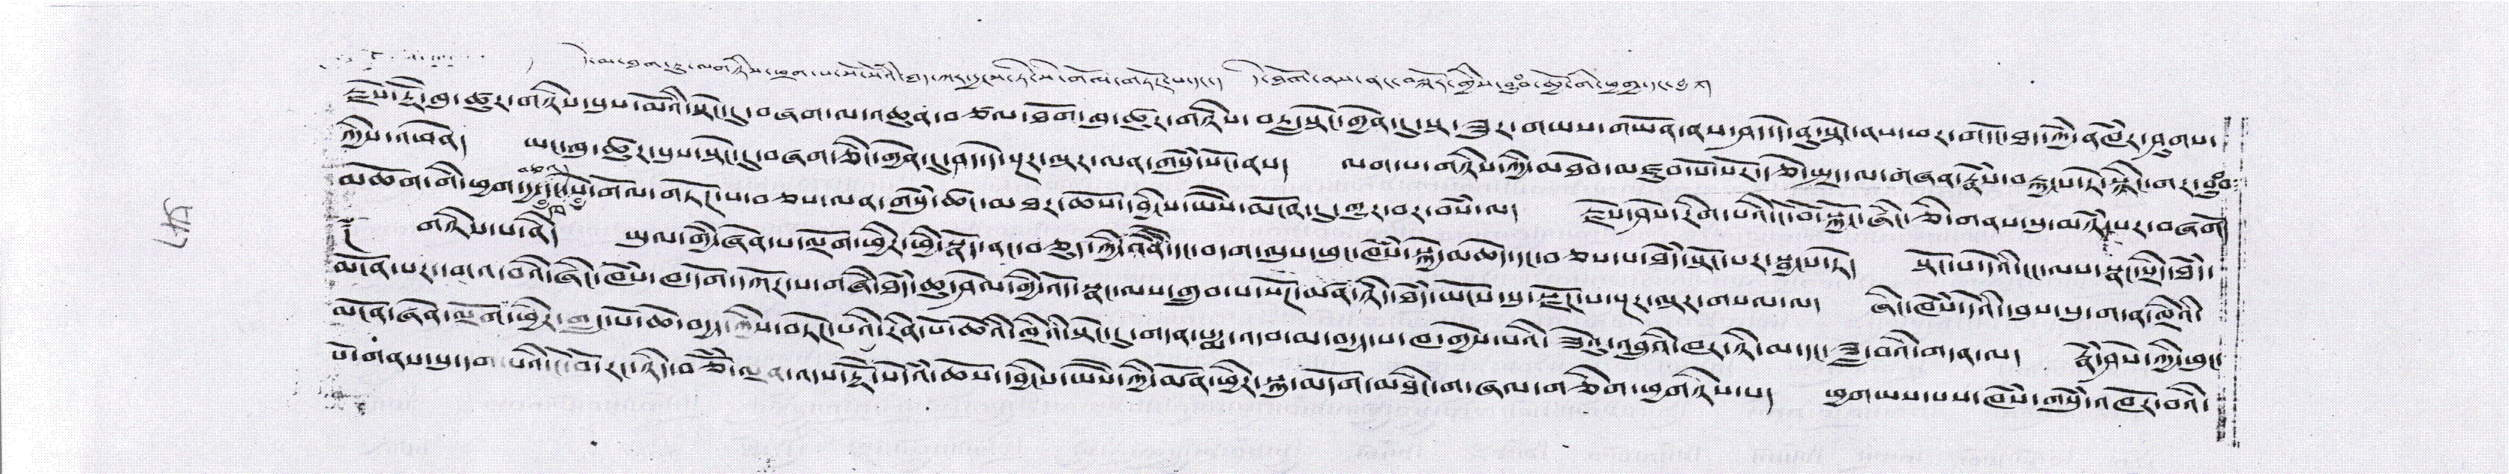རྗེས་རྡོ་རྗེ་ཁུ་ཚུར་གཉིས་པུས་མོའི་སྟེང་དུ་བཞག་ལ་འཆུན་བཙལ་ཐོག་ཁུ་ཚུར་གཉིས་བརླ་སྟེང་གྱེན་དུ་སྟ་ཟུར་གཡས་གཡོན་ནས་ཤད་དེ་ནུ་སྟེང་ནས་ཕར་གདོང་ཐད་ཀྱི་ནམ་མཁར་ཤུགས་
ཀྱིས་འཕེན། ཡང་ཁུ་ཚུར་པུས་སྟེང་དུ་བཞག་ཅིང་གྱེན་དུ་ཤད་དེ་སྔར་ལྟར་ལན་གསུམ་སོང་ནས། ལག་པ་གཉིས་ཀྱི་མཐེབ་འཛུབ་སོ་སོར་རྩེ་སྤྲད་ལ་གཞན་རྣམས་བརྐྱངས་ཏེ་སྙིང་གར་བླ་མེད་
མཆོག་གི་ཕྱག་རྒྱ་དང་སེ་གོལ་གཏོགས་པ་བཅས་པ་ལན་གསུམ་ཚང་མཐར་ཆོས་དབྱིངས་ཡེ་ཤེས་མངོན་དུ་གྱུར་པར་བསམ་ལ། རྗེས་ཤེས་རིག་པའི་ངོ་བོ་སྐྱོང་ཞིང་ཅི་གནས་སུ་མཉམ་པར་བཞག་གོ །
༧ གཉིས་པ་ཡུལ་གྱི་ཞེན་པ་ལྡོག་ཕྱིར་ཕྱི་སྣོད་ནང་བཅུད་ཀྱི་འཇིག་རྟེན་དང་བདག་ལུས་ཕུང་ཁམས་སྐྱེ་མཆེད་དང་བཅས་པ་ཐམས་ཅད་སྟོང་པར་སྦྱངས་ཏེ། སྟོང་པ་དེའི་ངང་ལས་སྣང་སྲིད་ཐམས་ཅད་
མངོན་པར་དགའ་བའི་ཞིང་ཁམས་ཁ་དོག་དཀར་པོ་ས་གཞི་ཐམས་ཅད་ཆུ་ཤེལ་གྱི་འོད་སྣང་ལས་གྲུབ་པ་སོགས་མཚན་ཉིད་ཐམས་ཅད་ཡོངས་སུ་རྫོགས་པ་སྔར་ལྟར་གསལ་ལ། ཞིང་ཁམས་དེའི་དབུས་སུ་གདན་ཁྲིའི་
མངོན་ཞེན་ལྡོག་ཕྱིར་གླང་པོ་ཆེ་བརྒྱད་ཀྱིས་བཏེགས་པའི་རིན་པོ་ཆེའི་ཁྲིའི་སྟེང་དུ་གདན་པདྨ་འདབ་མ་བརྒྱད་པ་ཁ་གྱེས་པའི་ཟེའུ་འབྲུའི་ཁར་ཉི་མ་དང་ཟླ་བའི་གདན་ལ། རྣམ་ཤེས་ཀྱི་ཕུང་
པོ་གནས་སུ་དག་པའི་ངོ་བོ་རང་ཉིད་བཅོམ་ལྡན་འདས་རྡོ་རྗེ་སེམས་དཔའི་ཆོས་དབྱིངས་ཡེ་ཤེས་ཀྱི་མཚོན་ཕྱིར་སྐུ་མདོག་མཐིང་ནག་ཞལ་གཅིག་ཕྱག་གཉིས་པ། ཕྱག་གཡས་པས་ཁམས་གསུམ་འཁོར་བའི་